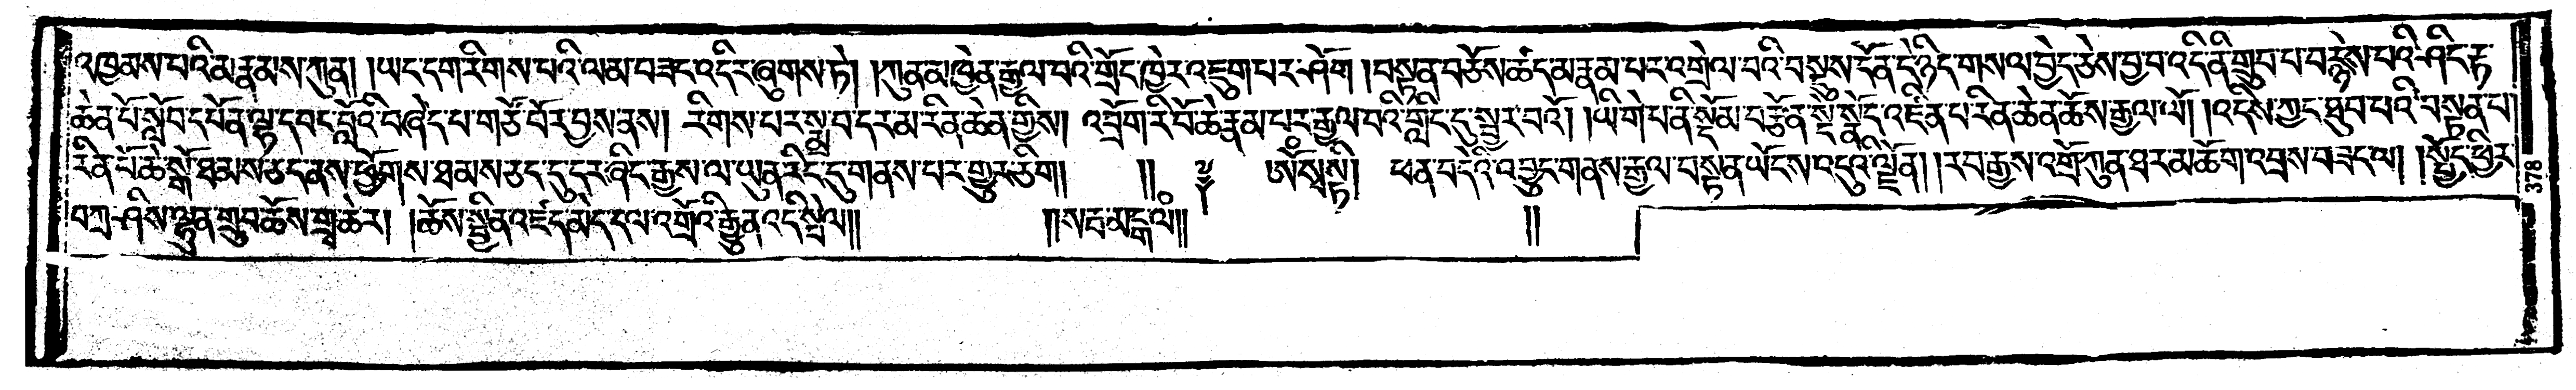འཁྱམས་པའི་མ་རྣམས་ཀུན། །ཡང་དག་རིགས་པའི་ལམ་བཟང་འདིར་ཞུགས་ཏེ། །ཀུན་མཁྱེན་རྒྱལ་བའི་གྲོང་ཁྱེར་འཇུག་པར་ཤོག །བསྟན་བཅོས་ཚད་མ་རྣམ་པར་འགྲེལ་པའི་བསྡུས་དོན་དེ་ཉིད་གསལ་བྱེད་ཅེས་བྱ་བ་འདི་ནི་གྲུབ་པ་བརྙེས་པའི་ཤིང་རྟ་
ཆེན་པོ་སློབ་དཔོན་ལྷ་དབང་བློའི་བཞེད་པ་གཙོ་བོར་བྱས་ནས། རིགས་པར་སྨྲ་བ་དར་མ་རིན་ཆེན་གྱིས། འབྲོག་རི་བོ་ཆེ་རྣམ་པར་རྒྱལ་བའི་གླིང་དུ་སྦྱར་བའོ། །ཡི་གེ་པ་ནི་སྡོམ་བརྩོན་སྡེ་སྣོད་འཛིན་པ་རིན་ཆེན་ཆོས་རྒྱལ་ལོ། །འདིས་ཀྱང་ཐུབ་པའི་བསྟན་པ་
རིན་པོ་ཆེ་སྒོ་ཐམས་ཅད་ནས་ཕྱོགས་ཐམས་ཅད་དུ་དར་ཞིང་རྒྱས་ལ་ཡུན་རིང་དུ་གནས་པར་གྱུར་ཅིག། །། ༈ ཨོཾ་སྭསྟི། ཕན་བདེའི་འབྱུང་གནས་རྒྱལ་བསྟེན་ཡོངས་འདུའི་ལྗོན། །རབ་རྒྱས་འགྲོ་ཀུན་ཐར་མཆོག་འབྲས་བཟང་ལ། །སྤྱོད་ཕྱིར་
བཀྲ་ཤིས་ལྷུན་གྲུབ་ཆོས་གྲྭ་ཆེར། །ཆོས་སྦྱིན་འཛད་མེད་དལ་འགྲོའི་རྒྱུན་འདི་སྤེལ།། །།སརྦ་མངྒ་ལཾ།། །།